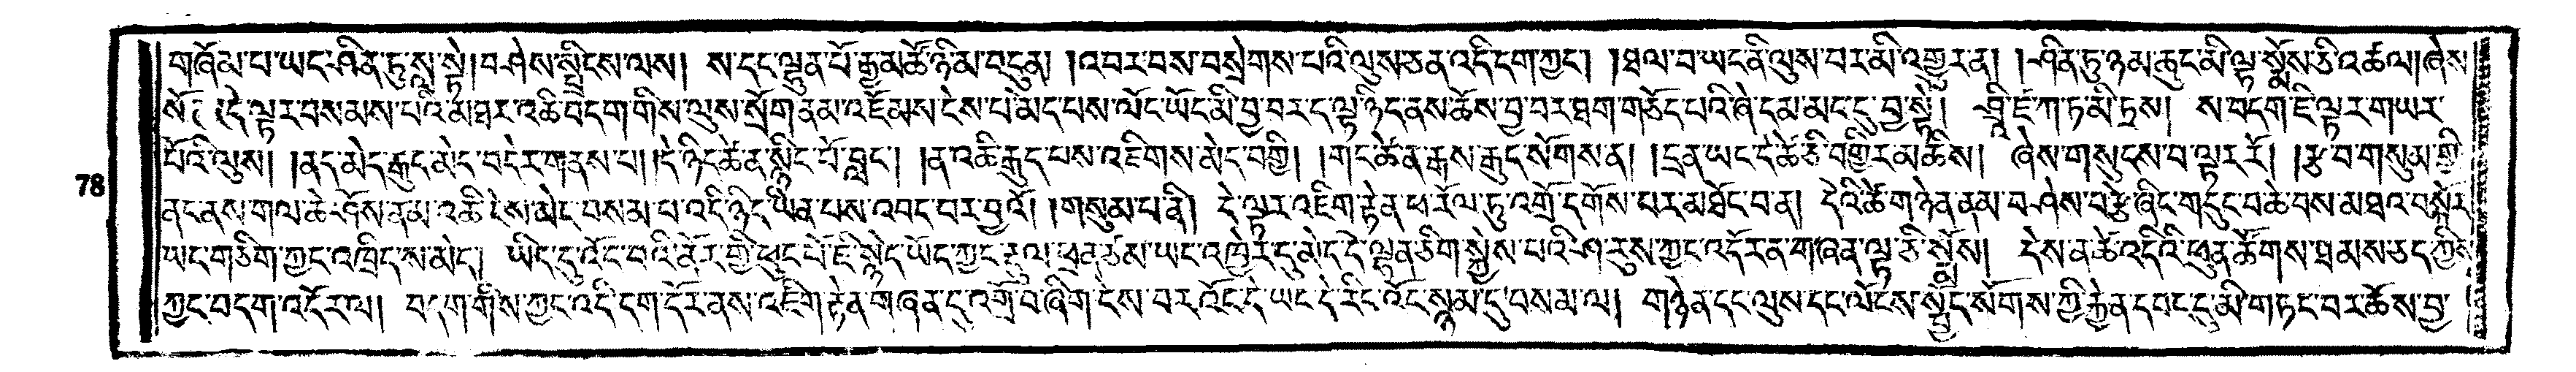གཞོམ་པ་ཡང་ཤིན་ཏུ་སླ་སྟེ། བཤེས་སྤྲིངས་ལས། ས་དང་ལྷུན་པོ་རྒྱུ་མཚོ་ཉི་མ་བདུན། །འབར་བས་བསྲེགས་པའི་ལུས་ཅན་འདི་དག་ཀྱང་། །ཐལ་བ་ཡང་ནི་ལུས་བར་མི་འགྱུར་ན། །ཤིན་ཏུ་ཉམ་ཆུང་མི་ལྟ་སྨོས་ཅི་འཚལ། ཞེས་
སོ༑ ༑དེ་ལྟར་བསམས་པའི་མཐར་འཆི་བདག་གིས་ལུས་སྲོག་ནམ་འཇོམས་ངེས་པ་མེད་པས་ལོང་ཡོང་མི་བྱ་བར་ད་ལྟ་ཉིད་ནས་ཆོས་བྱ་བར་ཐག་གཅོད་པའི་ཞེ་དམ་མང་དུ་བྱ་སྟེ། ཤྲཱི་ཛ་ཀ་ཏ་མི་ཏྲས། ས་བདག་ཇི་ལྟར་གཡར་
པོའི་ལུས། །ནད་མེད་རྒུད་མེད་བདེར་གནས་པ། །དེ་ཉིད་ཚེ་ན་སྙིང་བོ་བླང་། །ན་འཆི་རྒུད་པས་འཇིགས་མེད་བགྱི། །གང་ཚེ་ན་རྒས་རྒུད་སོགས་ན། །དྲན་ཡང་དེ་ཚེ་ཅི་བགྱིར་མཆིས། ཞེས་གསུངས་བ་ལྟར་རོ། །རྩ་བ་གསུམ་གྱི་
ནང་ནས་གལ་ཆེ་ཤོས་ནམ་འཆི་ངེས་མེད་བསམ་པ་འདི་ཉིད་ཡིན་པས་འབད་བར་བྱའོ། །གསུམ་པ་ནི། དེ་ལྟར་འཇིག་རྟེན་ཕ་རོལ་ཏུ་འགྲོ་དགོས་པར་མཐོང་བ་ན། དེའི་ཚེ་གཉེན་ནམ་བཤེས་བརྩེ་ཞིང་གདུང་བ་ཆེ་བས་མཐའ་བསྐོར་
ཡང་གཅིག་ཀྱང་འཁྲིད་ས་མེད། ཡིད་དུ་འོང་བའི་ནོར་གྱི་ཕུང་པོ་ཇི་སྙེད་ཡོད་ཀྱང་རྡུལ་ཕྲན་ཙམ་ཡང་འཁྱེར་དུ་མེད་དེ་ལྷན་ཅིག་སྐྱེས་པའི་ཤ་རུས་ཀྱང་འདོར་ན་གཞན་ལྟ་ཅི་སྨྲོས། དེས་ན་ཚེ་འདིའི་ཕུན་ཚོགས་ཐམས་ཅད་ཀྱིས་
ཀྱང་བདག་འདོར་ལ། བདག་གིས་ཀྱང་འདི་དག་དོར་ནས་འཇིག་རྟེན་གཞན་དུ་འགྲོ་བ་ཞིག་ངེས་བར་འོང་དེ་ཡང་དེ་རིང་འོང་སྙམ་དུ་བསམ་ལ། གཉེན་དང་ལུས་དང་ལོངས་སྦྱོད་སོགས་ཀྱི་རྐྱེན་དབང་དུ་མི་གཏང་བར་ཆོས་བྱ་